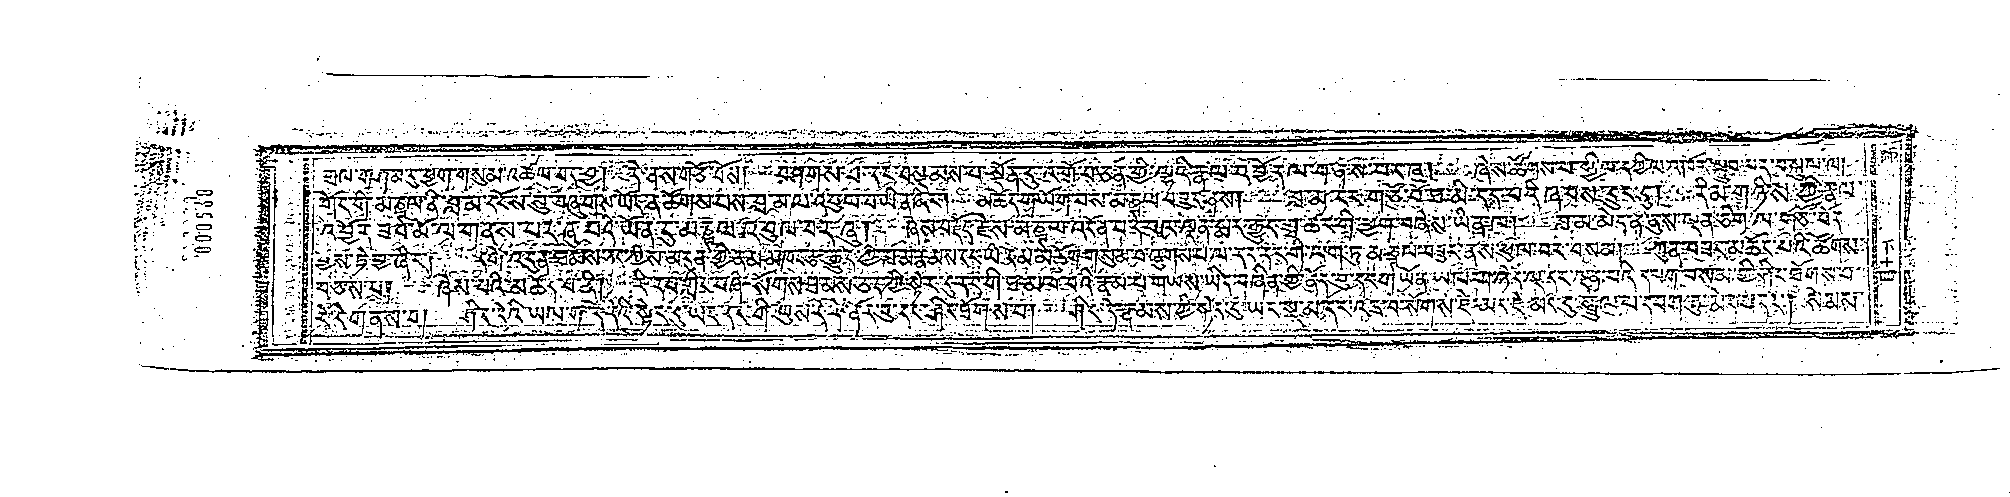གྲལ་གཤམ་དུ་ཕྱག་གསུམ་འཚལ་བར་བྱ། དེ་ནས་གཙོ་བོས། བཤགས་བ་དང་བསྡམས་པ་སྔོན་དུ་འགྲོ་བ་ཅན་གྱི་ལྷའི་རྣལ་འབྱོར་ལ་གནས་པར་ཞུ། ཞེས་ཚོགས་པ་སྤྱིལ་དཀྱིལ་འཁོར་སྒྲུབ་པར་བསྐུལ་ལ།
གོང་གི་མཎྜལ་ནི་བླ་མ་དངོས་སུ་བཞུགས་ཡོད་ན་ཚོགས་པས་བླ་མ་ལ་འབུལ་བ་ཡིན་ཞིང་། མཆོད་གཡོག་པས་མཎྜལ་བཟུང་ནས། བླ་མ་དང་གཙོ་བོ་ཐ་མི་དད་པའི་ཞབས་དྲུང་དུ། རིམ་གཉིས་ཀྱི་རྣལ་
འབྱོར་ཟབ་མོ་ལ་གནས་པར་ཞུ་བའི་ཡོན་དུ་མཎྜལ་འབུལ་བར་ཞུ། ཞེས་བརྗོད་རྗེས་མཎྜལ་འདོན་པ་དཔལ་ལྡན་སྨད་རྒྱུད་གྲྭ་ཚང་གི་ཕྱག་བཞེས་ཡིན་ལ། བླ་མ་མེད་ན་ནུས་ལྡན་ཅིག་ལ་གཙོ་བོར་
བྱས་ཏེ་བྱ་ཞིང་། དགེ་འདུན་ཐམས་ཅད་ཀྱིས་མདུན་གྱི་ནམ་མཁར་རྩ་རྒྱུད་ཀྱི་བླ་མ་རྣམས་དང་ཡི་དམ་མཆོག་གསུམ་བཞུགས་པ་ལ་རང་རང་གི་ལག་ཏུ་མཎྜལ་བཟུང་ནས་ཕུལ་བར་བསམ། ཀུན་བཟང་མཆོད་པའི་ཚོགས་
བཅས་པ། ཞེས་པའི་མཆོད་པ་ནི། རི་རབ་གླིང་བཞི་སོགས་ཐམས་ཅད་ཀྱི་སྟེང་དུ་རང་གི་ཐ་མལ་བའི་རྣམ་པ་གཡས་ཡིད་བཞིན་གྱི་ནོར་བུ་དང་གཡོན་ཡལ་གཉེར་ལྔ་དང་ལྡན་པའི་དཔག་བསམ་གྱི་ཤིང་ཐོགས་པ་
རེ་རེ་གནས་བ། ཤིང་དེའི་ཡལ་ག་རེ་རེའི་སྟེང་དུ་ཡང་རང་གི་ལུས་རེ་རེ་ནོར་བུ་དང་ཤིང་ཐོགས་པ། ཤིང་དེ་རྣམས་ཀྱི་སྟེང་དུ་ཡང་སྔ་མ་དང་འདྲ་བ་སོགས་ཇི་མང་ཇི་མང་དུ་སྦྲུལ་པ་དཔག་ཏུ་མེད་པ་དང་། སེམས་